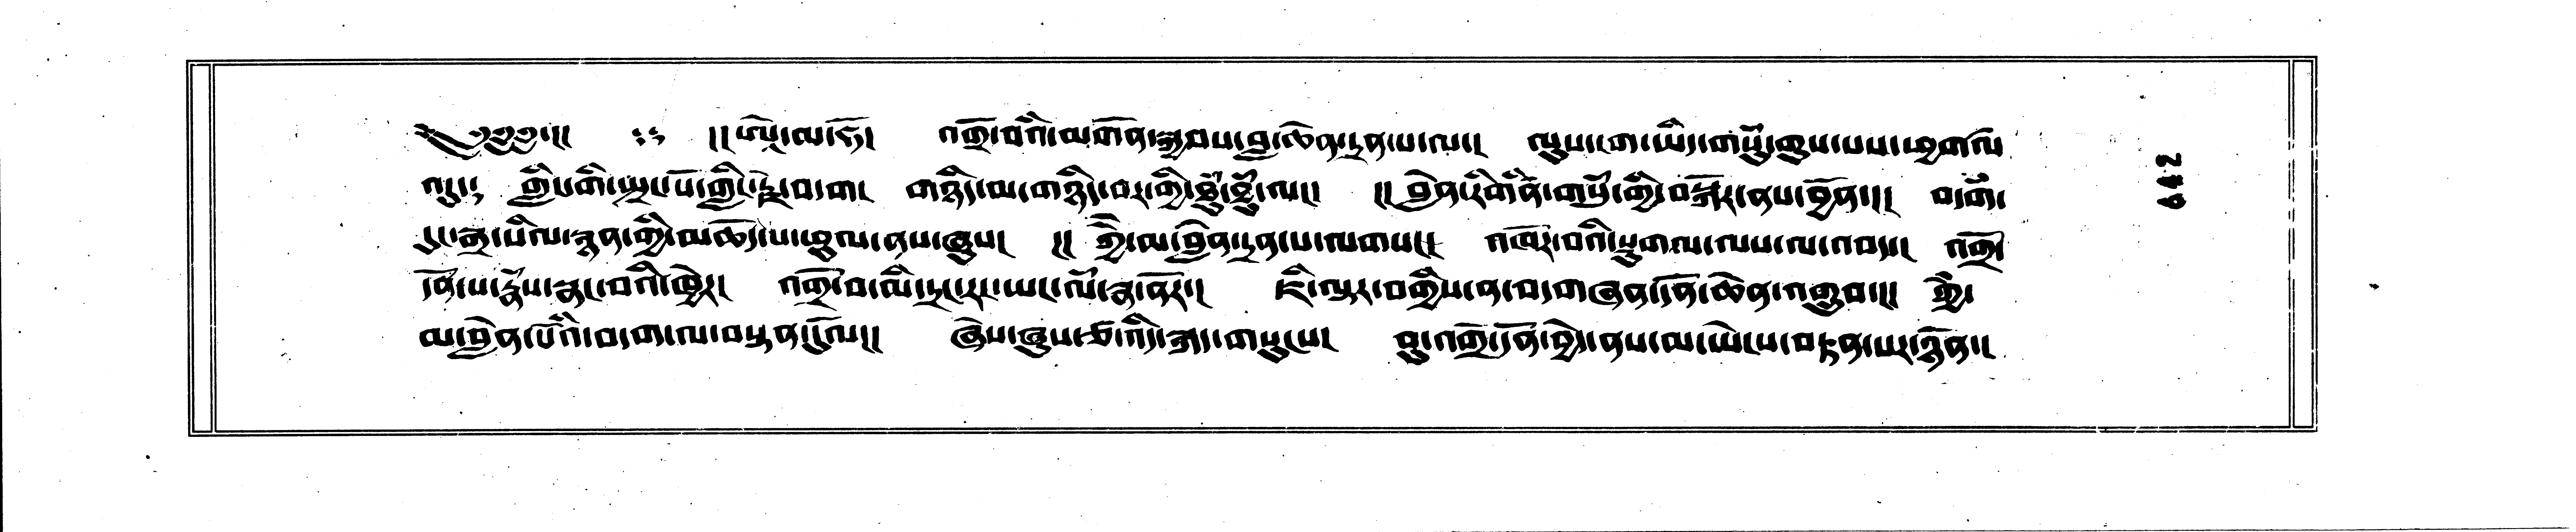ཨེ་མ་ཧོ། འགྲོ་བའི་མགོན་སྐྱབས་བླ་ཆེན་‘‘དྲན་པ”ལ། ལུས་ངག་ཡིད་ཀྱི་”གསུམ་གུས་པས”ཕྱག་འཚལ་
འདུད། གླིང་གི་སྤྲང་པོ་གླེན་པ་བདག གཉིད་མ་གཉིད་པར་གཡས་ཐམ་ཐུམ་ལ། བླ་ཆེན་རིག་འཛིན་གཤེན་ཕྲན་གསུམ་གྱིས་བསྐོར་ནས་བྱོན་པ་ལ། བདག་
དུང་སྒྲ་དང་སིལ་སྙན་གྱིས་མཆོད་པ་ཕུལ་ནས་ཞུས་པ། ཀྱེ་མ་བླ་ཆེན་དྲན་པ་ལགས། འཁོར་བའི་སེམས་ཅན་སྡུག་བསྔལ་ལས་ལ་འབད། འགྲོ་
དོན་པ་རྣམས་འཇིག་རྟེན་སྣང་བ་ལ་ཡེངས། འགྲོ་བ་མི་དྲོང་རང་ཡང་ལམ་སྣ་ནོར། ཅི་ལྟར་བགྱིས་ན་བདག་བཞན་དོན་ཆེན་འགྲུབ། ཀྱེ་མ་”
བླ”ཆེན་པོས་བདག་ལ་བསྟན་དུ་གསོལ། ཅེས་ཞུས་ཙ། འདི་སྐད་གསུངས། བུ་འགྲོ་དོན་བྱེད་ན་མ་ཡེང་བརྟན་པར་ཉོན།